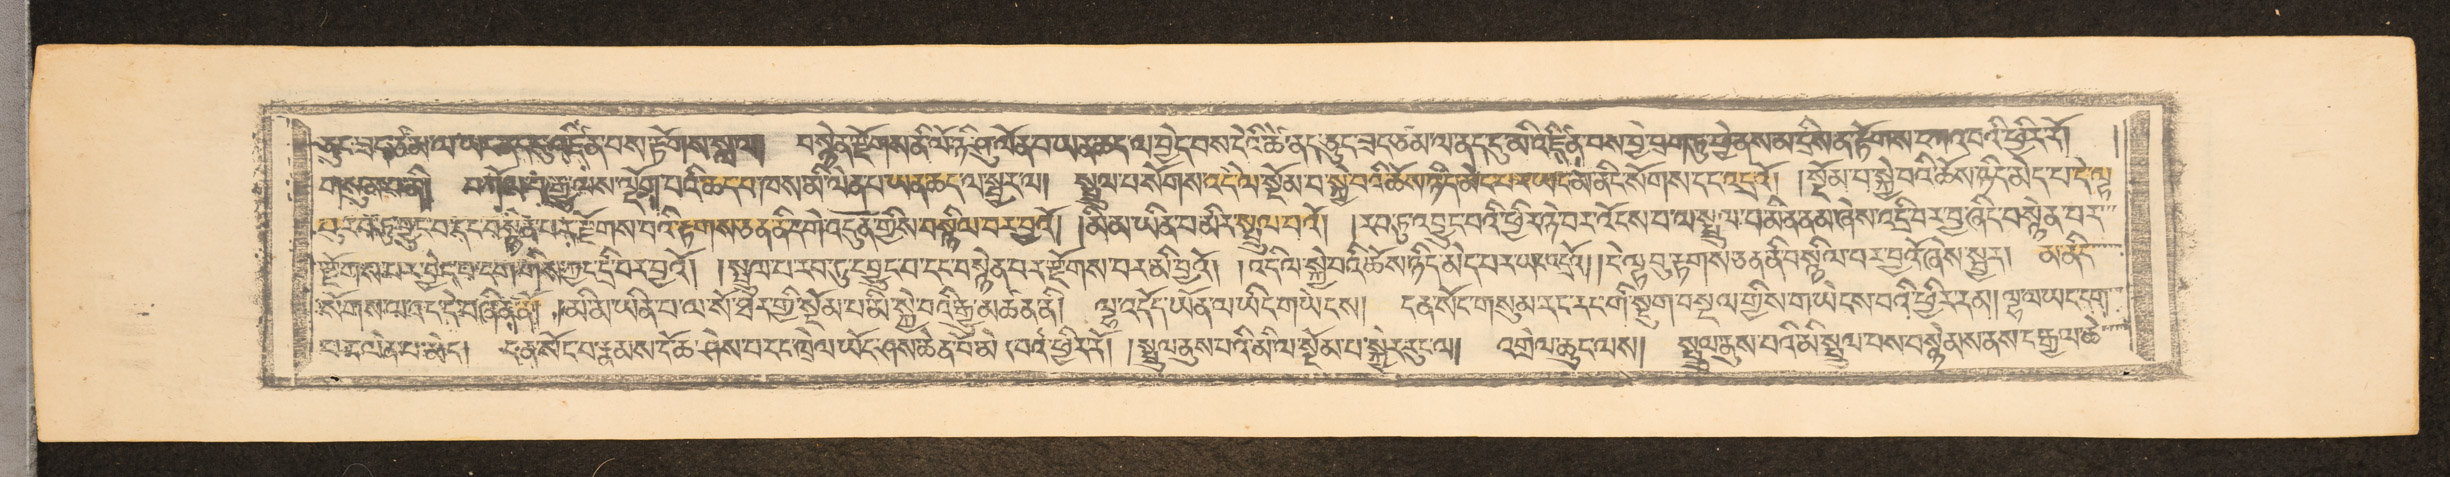ཅུང་ཟད་ཙམ་ལ་ཡང་ནད་དུ་འཛིན་པས་རྟོགས་སླ་ལ། བསྙེན་རྫོགས་ནི་ལོ་ཉི་ཤུ་ལོན་པ་ཡན་ཆད་ལ་བྱེད་པས་དེའི་ཚེ་ནད་ཅུང་ཟད་ཙམ་ལ་ནད་དུ་མི་འཛིན་པས་བྱེ་བྲག་ཏུ་ཕྱེ་ནས་མ་དྲིས་ན་རྟོགས་དཀའ་བའི་ཕྱིར་རོ། །
གསུམ་པ་ནི། བཀོལ་བ་རྒྱུ་ལས་ལྡོག་པའི་ཆད་པ་ཁས་མི་ལེན་པ་ཡན་ཆད་ལ་སྦྱར་ལ། སྤྲུལ་པ་སོགས་འདི་ལ་སྡོམ་པ་སྐྱེ་བའི་ཆོས་ཉིད་མེད་པར་ཡང་མ་ནིང་སོགས་དང་འདྲའོ། །སྡོམ་པ་སྐྱེ་བའི་ཆོས་ཉིད་མེད་པ་དེ་ལྟ་
བུ་རབ་ཏུ་བྱུང་བ་དང་བསྙེན་པར་རྫོགས་པའི་རྟགས་ཅན་ནི་དགེ་འདུན་གྱིས་བསྙིལ་བར་བྱའོ། །མི་མ་ཡིན་པ་མིར་སྤྲུལ་པའོ། །རབ་ཏུ་འབྱུང་བའི་ཕྱིར་ཉེ་བར་འོངས་པ་ལ་སྤྲུལ་པ་མིན་ནམ་ཞེས་འདྲི་བར་བྱ་ཞིང་བསྙེན་པར་
རྫོགས་པར་བྱེད་པ་ངག་གིས་ཀྱང་དྲི་བར་བྱའོ། །སྤྲུལ་པ་རབ་ཏུ་དབྱུང་བ་དང་བསྙེན་པར་རྫོགས་པར་མི་བྱའོ། །འདི་ལ་སྐྱེ་བའི་ཆོས་ཉིད་མེད་པར་ཡང་འདྲའོ། །དེ་ལྟ་བུ་རྟགས་ཅན་ནི་བསྙིལ་བར་བྱའོ་ཞེས་སྦྱར། མ་ནིང་
སོགས་ལའང་དེ་བཞིན་ནོ། །མི་མ་ཡིན་པ་ལ་སོ་ཐར་གྱི་སྔོམ་པ་མི་སྐྱེ་བའི་རྒྱུ་མཚན་ནི། ལྷ་འདོད་ཡོན་ལ་ཡིད་གཡེངས། ངན་སོང་གསུམ་རང་རང་གི་སྡུག་བསྔལ་གྱིས་གཡེངས་པའི་ཕྱིར་རམ། ལྷ་ལ་ཡང་དག་
པར་ལེན་པ་མེད། ངན་སོང་བ་རྣམས་ངོ་ཚ་ཤེས་པ་དང་ཁྲེལ་ཡོད་ཤས་ཆེན་པོ་མེད་པའི་ཕྱིར་རོ། །སྤྲུལ་ནུས་པའི་མིལ་སྡོམ་པ་སྐྱེར་རུང་ལ། འགྲེལ་ཆུང་ལས། སྤྲུལ་ནུས་པའི་མི་སྤྲུལ་པས་བསྙེམས་ནས་ང་རྒྱལ་ཆེ་